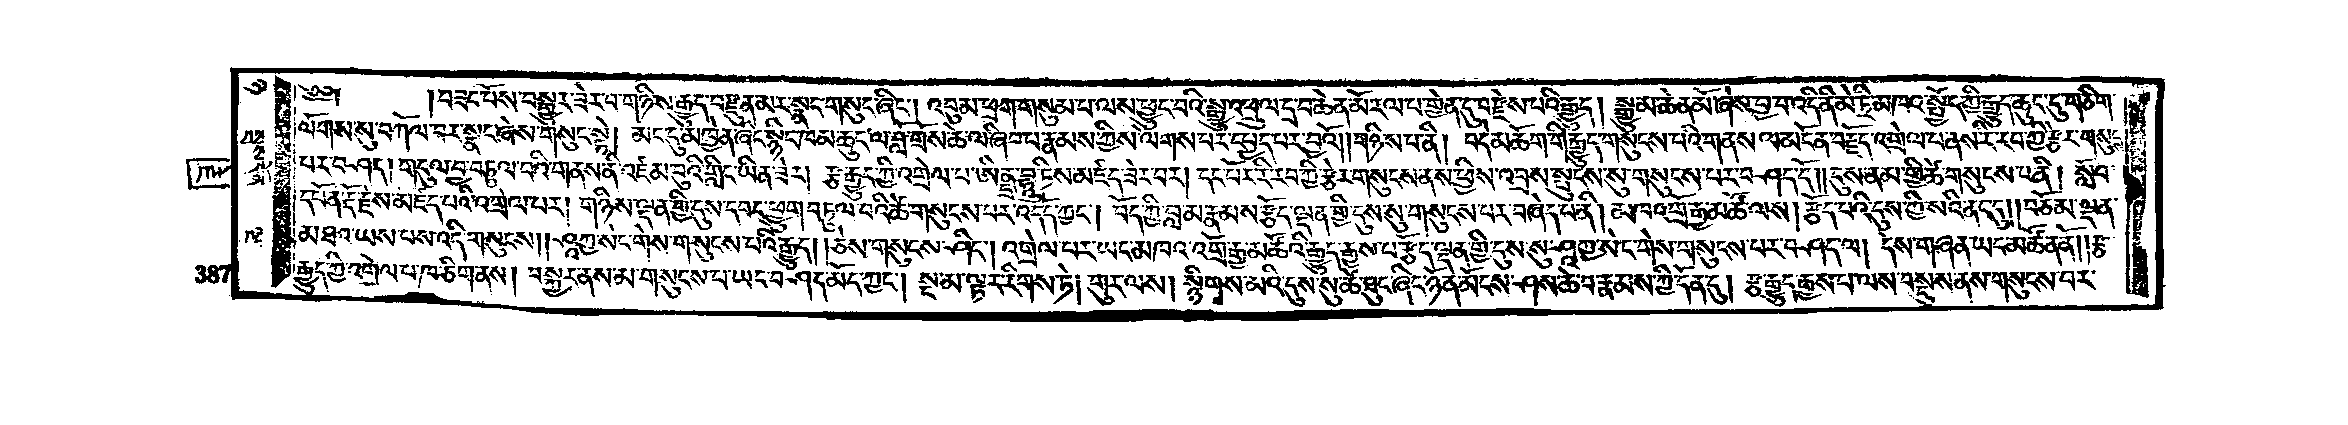༄༅། །བཟང་པོས་བསྒྱུར་ཟེར་བ་གཉིས་རྒྱུད་བརྫུན་མར་སྣང་གསུང་ཞིང་། འབུམ་ཕྲག་གསུམ་པ་ལས་ཕྱུང་བའི་སྒྱུ་འཕྲུལ་དྲ་བ་ཆེན་མོ་རལ་པ་གྱེན་དུ་བརྫེས་པའི་རྒྱུད། སྒྱུ་མ་ཆེན་མོ་ཞེས་བྱ་བ་འདི་ནི་མེ་ཏྲི་མཁའ་སྤྱོད་ཀྱི་རྒྱུད་ཆུང་ངུ་གཅིག་
ལོགས་སུ་བཀོལ་བར་སྣང་ཞེས་གསུང་སྟེ། མང་དུ་མཁྱེན་ཞིང་སྙིང་ཁམ་ཆུང་ལ་བློ་གྲོས་ཆེ་ལ་ཞིབ་པ་རྣམས་ཀྱིས་ལེགས་པར་དཔྱད་པར་བྱའོ། །གཉིས་པ་ནི། བདེ་མཆོག་གི་རྒྱུད་གསུངས་པའི་གནས་ལ་མངོན་བརྗོད་འགྲེལ་པ་ནས་རི་རབ་ཀྱི་རྩེར་གསུངས་
པར་བཤད། གདུལ་བྱ་བཏུལ་བའི་གནས་ནི་འཛམ་བུའི་གླིང་ཡིན་ཟེར། རྩ་རྒྱུད་ཀྱི་འགྲེལ་པ་ཨིནྡྲ་བྷཱུ་ཏིས་མཛད་ཟེར་བར། དང་པོར་རི་རབ་ཀྱི་རྩེར་གསུངས་ནས་ཕྱིས་འབྲས་སྤུངས་སུ་གསུངས་པར་བཤད་དོ། །དུས་ནམ་གྱི་ཚེ་གསུངས་པ་ནི། སློབ་
དཔོན་རྡོ་རྗེས་མཛད་པའི་འགྲེལ་པར། གཉིས་ལྡན་གྱི་དུས་དབང་ཕྱུག་བཏུལ་བའི་ཚེ་གསུངས་པར་འདོད་ཀྱང་། བོད་ཀྱི་བླ་མ་རྣམས་རྩོད་ལྡན་གྱི་དུས་སུ་གསུངས་པར་བཞེད་པ་ནི། མཁའ་འགྲོ་རྒྱ་མཚོ་ལས། རྩོད་པའི་དུས་ཀྱི་སའི་ནང་དུ། །བཅོམ་ལྡན་
མཐའ་ཡས་པས་འདི་གསུངས། །ཤཱཀྱ་སེང་གེས་གསུངས་པའི་རྒྱུད། །ཅེས་གསུངས་ཤིང་། འགྲེལ་པར་ཡང་མཁའ་འགྲོ་རྒྱ་མཚོའི་རྒྱུད་རྒྱས་པ་རྩོད་ལྡན་གྱི་དུས་སུ་ཤཱཀྱ་སེང་གེས་གསུངས་པར་བཤད་ལ། དེས་གཞན་ཡང་མཚོན་ནོ། །རྩ་
རྒྱུད་ཀྱི་འགྲེལ་པ་ཁ་ཅིག་ནས། བསྐྱར་ནས་མ་གསུངས་པ་ཡང་བཤད་མོད་ཀྱང་། སྔ་མ་ལྟར་རིགས་ཏེ། གུར་ལས། སྙིགས་མའི་དུས་སུ་ཚེ་ཐུང་ཞིང་ཉོན་མོངས་ཤས་ཆེ་བ་རྣམས་ཀྱི་དོན་དུ། རྩ་རྒྱུད་རྒྱས་པ་ལས་བསྡུས་ནས་གསུངས་པར་